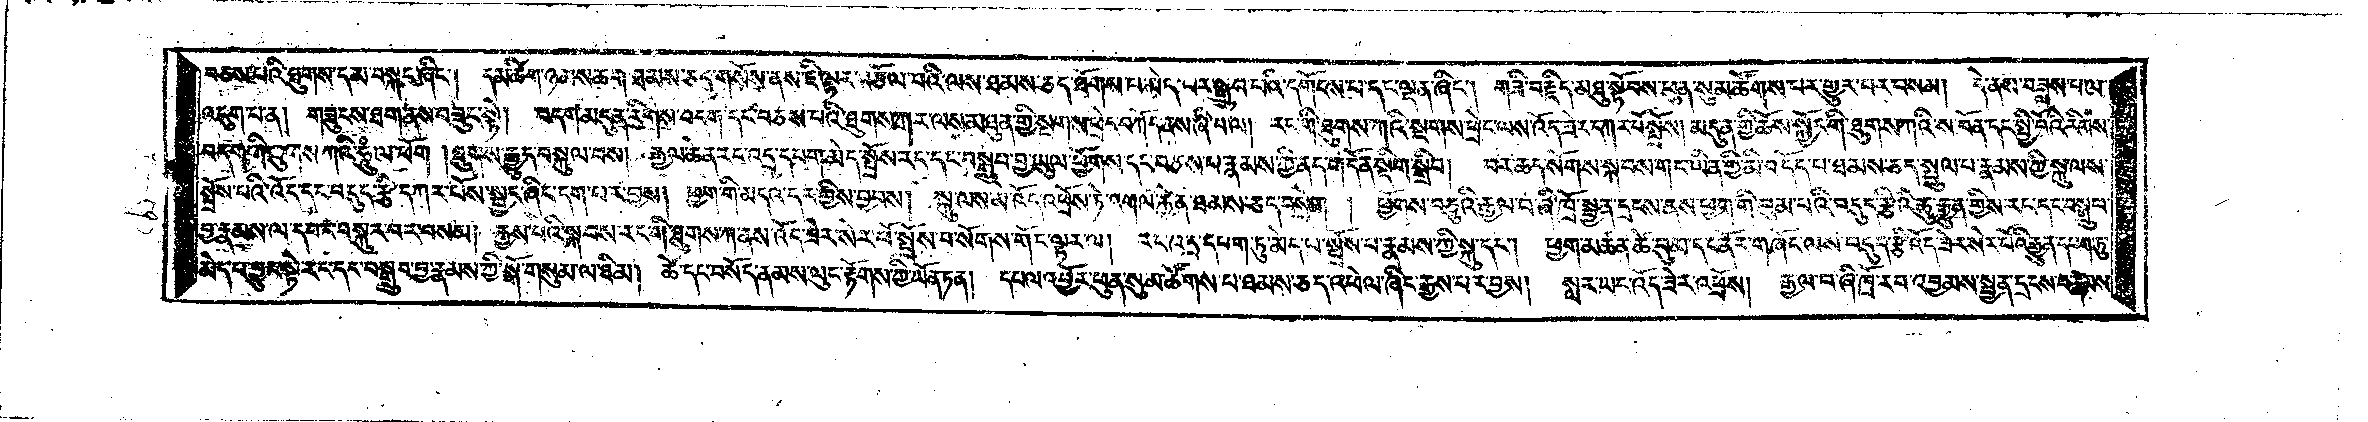བཅས་པའི་ཐུགས་དམ་བསྐང་ཞིང་། དམ་ཚིག་ཉམས་ཆག་ཐམས་ཅད་གསོས་ནས་ཇི་ལྟར་བཅོལ་པའི་ལས་ཐམས་ཅད་ཐོགས་པ་མེད་པར་སྒྲུབ་པའི་དགོངས་པ་དང་ལྡན་ཞིང་། གཟི་བརྗིད་མཐུ་སྟོབས་ཕུན་སུམ་ཚོགས་པར་གྱུར་བར་བསམ། དེ་ནས་བཟླས་པ་ལ་
འདུག་པ་ན། གཟུངས་ཐག་ནས་བཟུང་སྟེ། བདག་མདུན་རིངས་བདག་དང་བཅས་པའི་ཐུགས་ཀར་ལས་མཐུན་གྱི་སྔགས་བྲེང་བཀོད་ནས་ཞི་བ་ལ། རང་གི་ཐུགས་ཀའི་སྔགས་ཕྲེང་ལས་འོད་ཟེར་དཀར་པོ་སྤྲོས། མདུན་གྱི་ཆོས་སྐྱོང་གི་ཐུགས་ཀའི་ས་བོན་དང་སྤྱི་བོའི་རིགས་
བདག་གི་ཐུགས་ཀའི་ཧཱུཾ་ལ་ཕོག །ཐུགས་རྒྱུད་བསྐུལ་བས། རྒྱལ་ཆེན་རང་འདྲ་དཔག་མེད་སྤྲོས་རང་དང་བསྒྲུབ་བྱ་ཡུལ་ཕྱོགས་དང་བཅས་པ་རྣམས་ཀྱི་ནད་དོན་སྡིག་སྒྲིབ། བར་ཆད་སོགས་སྐབས་གང་ཡིན་གྱི་མི་འདོད་པ་ཐམས་ཅད་སྤྲུལ་པ་རྣམས་ཀྱི་སྐུ་ལས་
སྤྲོས་པའི་འོད་དང་བདུད་རྩི་དཀར་པོས་སྦྱང་ཞིང་དག་བར་བྱས། ཕྱག་གི་མདའ་དར་གྱིས་བྱབས། སྐུ་ལས་མེ་འོད་འཕྲོས་ཏེ་འགལ་རྐྱེན་ཐམས་ཅད་བསྲེག །ཕྱོགས་བཅུའི་རྒྱལ་བ་ཞི་ཁྲོ་སྤྱན་དྲངས་ནས་ཕྱག་གི་བུམ་པའི་བདུད་རྩིའི་ཆུ་རྒྱུན་གྱིས་རང་དང་བསྒྲུབ་
བྱ་རྣམས་ལ་དབང་བསྐུར་བར་བསམ། རྒྱས་པའི་སྐབས་རང་གི་ཐུགས་ཀ་ནས་འོད་ཟེར་སེར་པོ་སྤྲོས་པ་སོགས་གོང་ལྟར་ལ། རང་འདྲ་དཔག་ཏུ་མེད་པ་སྤྲོས་པ་རྣམས་ཀྱི་སྐུ་དང་། ཕྱག་མཚན་ཚེ་བུམ་དང་ནོར་གཞོང་ལས་བདུད་རྩི་འོད་ཟེར་སེར་པོའི་རྒྱུན་དཔག་ཏུ་
མེད་པ་བྱུང་སྟེ་རང་དང་བསྒྲུབ་བྱ་རྣམས་ཀྱི་སྒོ་གསུམ་ལ་ཐིམ། ཚེ་དང་བསོད་ནམས་ལུང་རྟོགས་ཀྱི་ཡོན་ཏན། དཔལ་འབྱོར་ཕུན་སུམ་ཚོགས་པ་ཐམས་ཅད་འཕེལ་ཞིང་རྒྱས་པར་བྱས། སླར་ཡང་འོད་ཟེར་འཕྲོས། རྒྱལ་བ་ཞི་ཁྲོ་རབ་འབྱམས་སྤྱན་དྲངས་པ་རྣམས་